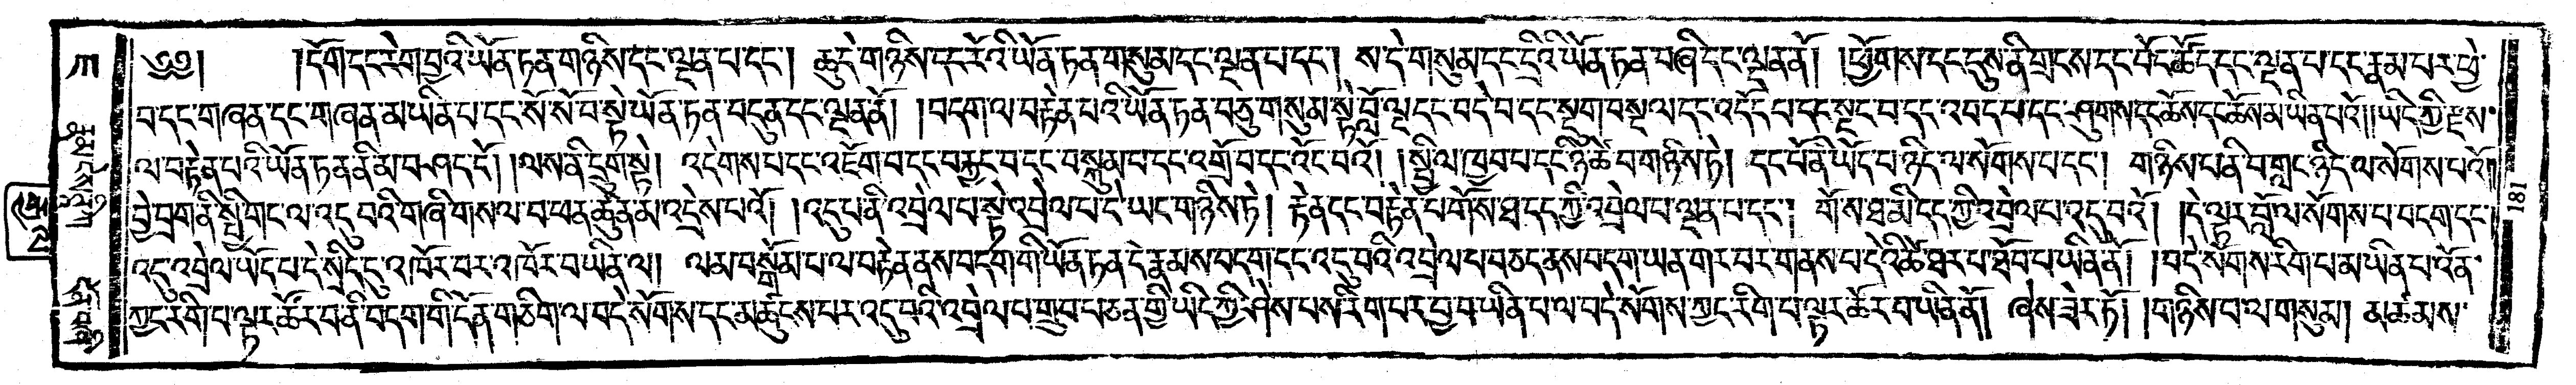༄༅། །དོག་དང་རེག་བྱའི་ཡོན་ཏན་གཉིས་དང་ལྡན་པ་དང་། ཆུ་དེ་གཉིས་དང་རོའི་ཡོན་ཏན་གསུམ་དང་ལྡན་པ་དང་། ས་དེ་གསུམ་དང་དྲིའི་ཡོན་ཏན་བཞི་དང་ལྡན་ནོ། །ཕྱོགས་དང་དུས་ནི་གྲངས་དང་བོང་ཚོད་དང་ལྡན་པ་དང་རྣམ་པར་ཕྱེ་
བ་དང་གཞན་དང་གཞན་མ་ཡིན་པ་དང་སོ་སོ་བ་སྟེ་ཡོན་ཏན་བདུན་དང་ལྡན་ནོ། །བདག་ལ་བརྟེན་པའི་ཡོན་ཏན་བཅུ་གསུམ་སྟེ་བློ་ལྔ་དང་བདེ་བ་དང་སྡུག་བསྔལ་དང་འདོད་པ་དང་སྔང་བ་དང་འབད་པ་དང་ཤུགས་དང་ཆོས་དང་ཆོས་མ་ཡིན་པའོ། །ཡིད་ཀྱི་རྫས་
ལ་བརྟེན་པའི་ཡོན་ཏན་ནི་མ་བཤད་དོ། །ལས་ནི་དྲུག་སྟེ། འདེགས་པ་དང་འཇོག་པ་དང་བརྐྱང་པ་དང་བསྐུམ་པ་དང་འགྲོ་བ་དང་འོང་བའོ། །སྤྱི་ལ་ཁྱབ་པ་དང་ཉི་ཚེ་བ་གཉིས་ཏེ། དང་པོ་ནི་ཡོད་པ་ཉིད་ལ་སོགས་པ་དང་། གཉིས་པ་ནི་བ་གླང་ཉིད་ལ་སོགས་པའོ།།
བྱེ་བྲག་ནི་སྤྱི་གང་ལ་འདུ་བའི་གཞི་གསལ་བ་ཕན་ཚུན་མ་འདྲེས་པའོ། །འདུ་པ་ནི་འབྲེལ་པ་སྟེ་འབྲེལ་པ་དེ་ཡང་གཉིས་ཏེ། རྟེན་དང་བརྟེན་པ་གོས་ཐ་དད་ཀྱི་འབྲེལ་པ་ལྡན་པ་དང་། གོ་ས་ཐ་མི་དད་ཀྱི་འབྲེལ་པ་འདུ་བའོ། །དེ་ལྟར་བློ་ལ་སོགས་པ་བདག་དང་
འདུ་འབྲེལ་ཡོད་པ་དེ་སྲིད་དུ་འཁོར་བར་འཁོར་བ་ཡིན་ལ། ལམ་བསྒོམ་པ་ལ་བརྟེན་ནས་བདག་གི་ཡོན་ཏན་དེ་རྣམས་བདག་དང་འདུ་བའི་འབྲེལ་པ་བཅད་ནས་བདག་ཡན་གར་བར་གནས་པ་དེའི་ཚེ་ཐར་པ་ཐོབ་པ་ཡིན་ནོ། །བདེ་སོགས་རིག་པ་མ་ཡིན་པ་འོན་
ཀྱང་རིག་པ་ལྟར་ཚོར་བ་ནི་བདག་གི་དོན་གཅིག་ལ་བདེ་སོགས་དང་མཚུངས་པར་འདུ་བའི་འབྲེལ་པ་གྲུབ་པ་ཅན་གྱི་ཡིད་ཀྱི་ཤེས་པས་རིག་པར་བྱ་བ་ཡིན་པ་ལ་བདེ་སོགས་ཀྱང་རིག་པ་ལྟར་ཚོར་བ་ཡིན་ནོ། །ཞེས་ཟེར་ཏོ། །གཉིས་པ་ལ་གསུམ། མཚམས་